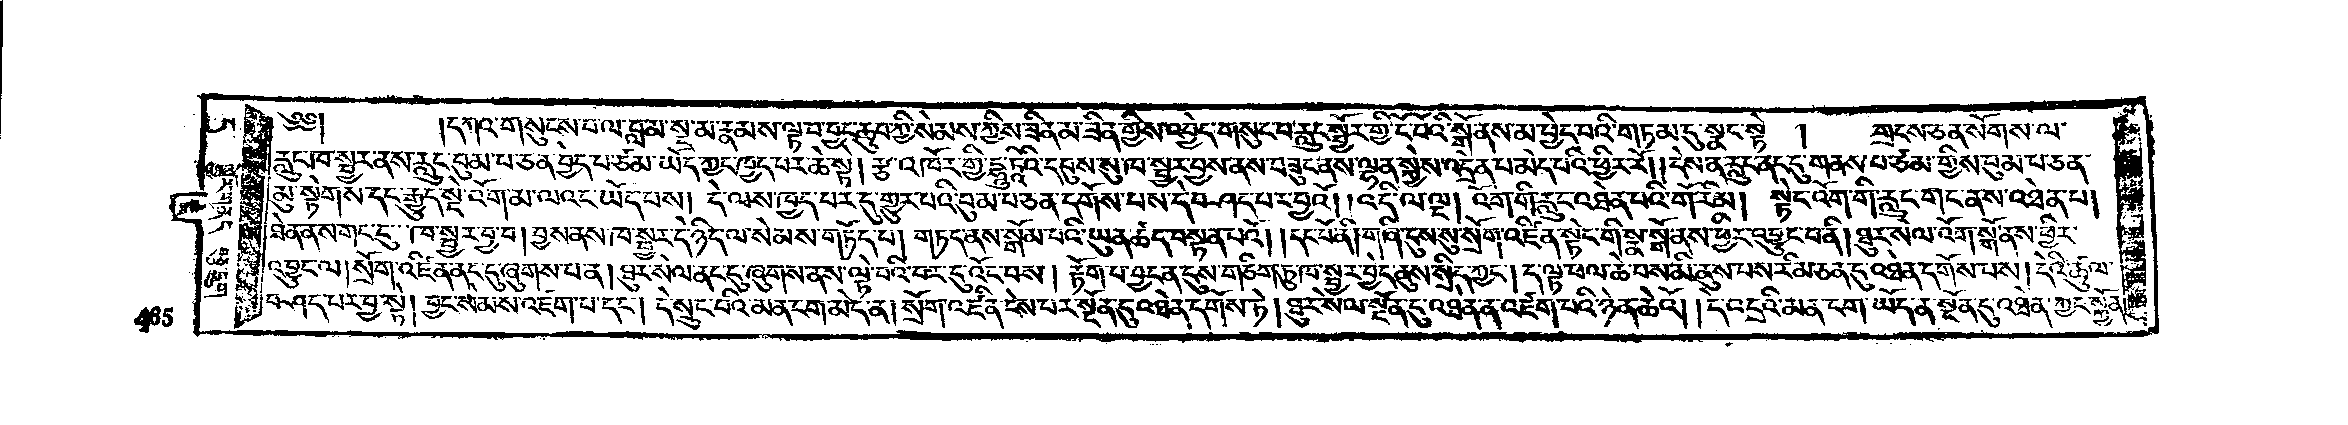༄༅། །དཀའ་གསུངས་པ་ལ་བླ་མ་སྔ་མ་རྣམས་ལྟ་བ་བྱང་ཆུབ་ཀྱི་སེམས་ཀྱིས་ཟིན་མ་ཟིན་གྱིས་འབྱེད་གསུང་བ་རླུང་སྦྱོར་གྱི་ངོ་བོའི་སྒོ་ནས་མ་ཕྱེད་པའི་གཏམ་དུ་སྣང་སྟེ། གྲངས་ཅན་སོགས་ལ་
རླུང་ཁ་སྦྱར་ནས་རླུང་བུམ་པ་ཅན་བྱེད་པ་ཙམ་ཡོད་ཀྱང་ཁྱད་པར་ཆེ་སྟེ། རྩ་འཁོར་གྱི་དྷཱུ་ཏཱིའི་དབུས་སུ་ཁ་སྦྱར་བྱས་ནས་བཟུང་ནས་ལྷན་སྐྱེས་འདྲེན་པ་མེད་པའི་ཕྱིར་རོ། །དེས་ན་རླུང་ནང་དུ་གནས་པ་ཙམ་གྱིས་བུམ་པ་ཅན་
མུ་སྟེགས་དང་རྒྱུད་སྡེ་འོག་མ་ལའང་ཡོད་པས། དེ་ལས་ཁྱད་པར་དུ་གྱུར་པའི་བུམ་པ་ཅན་དགོས་པས་དེ་བཤད་པར་བྱའོ། །འདི་ལ་ལྔ། འོག་གི་རླུང་འཐེན་པའི་གོ་རིམ། སྟེང་འོག་གི་རླུང་གང་ནས་འཐེན་པ།
ཐེན་ནས་གང་དུ་ཁ་སྦྱར་བྱ་བ། བྱས་ནས་ཁ་སྦྱར་དེ་ཉིད་ལ་སེམས་གཏོད་པ། གཏད་ནས་སྒོམ་པའི་ཡུན་ཚད་བསྟན་པའོ། །དང་པོ་ནི། གཞི་དུས་སུ་སྲོག་འཛིན་སྟེང་གི་སྣ་སྒོ་ནས་ཕྱིར་འབྱུང་བ་ནི། ཐུར་སེལ་འོག་སྒོ་ནས་ཕྱིར་
འབྱུང་ལ། སྲོག་འཛིན་ནང་དུ་ཞུགས་པ་ན། ཐུར་སེལ་ནང་དུ་ཞུགས་ནས་ལྟེ་བའི་བར་དུ་འོང་བས། རྟོག་པ་བྱང་ན་དུས་གཅིག་ཏུ་ཁ་སྦྱར་བྱེད་ནུས་སྲིད་ཀྱང་། ད་ལྟ་ཕལ་ཆེ་བས་མི་ནུས་པས་རིམ་ཅན་དུ་འཐེན་དགོས་པས། དེའི་ཚུལ་
བཤད་པར་བྱ་སྟེ། བྱང་སེམས་འཛག་པ་དང་། དེ་སྲུང་བའི་མན་ངག་མེད་ན། སྲོག་འཛིན་ངེས་པར་སྔོན་དུ་འཐེན་དགོས་ཏེ། ཐུར་སེལ་སྔོན་དུ་འཐེན་ན་འཛག་པའི་ཉེན་ཆེའོ། །དེ་འདྲའི་མན་ངག་ཡོད་ན་སྔོན་དུ་འཐེན་ཀྱང་སྐྱོན་